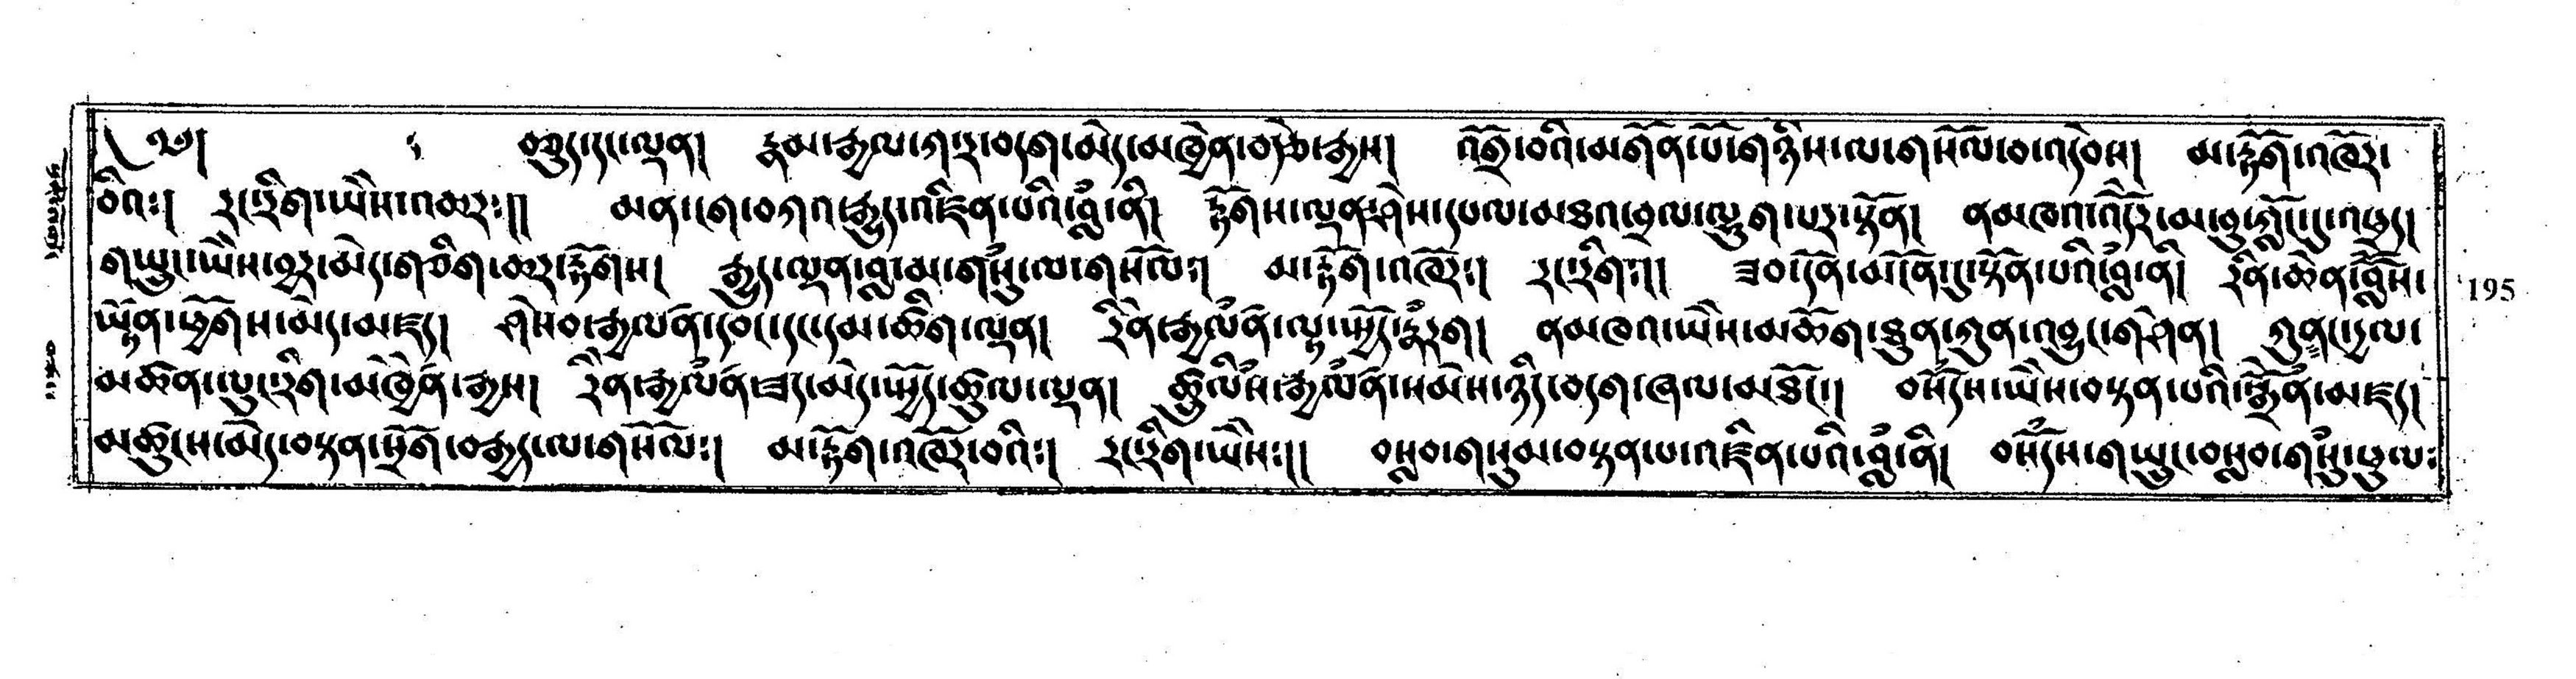བཅུད་དང་ལྡན། རྣམ་རྒྱལ་ཀ་ར་བདག་མེད་མཁྱེན་བརྩེ་རྒྱས། འགྲོ་བའི་མགོན་པོ་གཉིས་ལ་གསོལ་བ་འདེབས། མ་རྟོག་འཁོར་
བའི༴། རང་རིག་ཡེ་ཤེས་འཆར༴།། མན་ངག་བཀའ་རྒྱུད་འཛིན་པའི་བླ་མ་ནི། རྟོགས་ལྡན་ཤེས་དཔལ་མཐའ་བྲལ་ལྷུག་པར་སྟོན། ནམ་མཁའ་འོད་ཟེར་མ་བུ་ཀློང་དུ་འཕྲོད། །
གཡུང་དྲུང་ཡེ་ཤེས་བྱར་མེད་གཅིག་ཆར་རྟོགས། རྒྱུད་ལྡན་བླ་མ་གསུམ་ལ་གསོལ༴། མ་རྟོག་འཁོར༴། རང་རིག༴།། ཟབ་དོན་མངོན་དུ་སྟོན་པའི་བླ་མ་ནི། རིན་ཆེན་བློ་གྲོས་
ཡོན་ཏན་ཕྱོགས་མེད་མཛད། ཤེས་རབ་རྒྱལ་མཚན་དབང་དང་དམ་ཚིག་ལྡན། རིན་ཆེན་རྒྱལ་མཚན་ལྟ་སྤྱོད་རྣམ་པར་དག ནམ་མཁའ་ཡེ་ཤེས་མཆོག་ཐུན་ཀུན་འབྱུང་གཤེན། ཀུན་བཟང་རྒྱལ་
མཚན་ལུང་རིག་མཁྱེན་བརྩེ་རྒྱས། རིན་ཆེན་རྒྱལ་མཚན་ཟད་མེད་སྤྱོད་ཚུལ་ལྡན། ཚུལ་ཁྲིམས་རྒྱལ་མཚན་སེམས་ཉིད་བདག་ཞལ་མཐོང་། བསོད་ནམས་ཡེ་ཤེས་བསྟན་པའི་སྒྲོན་མེ་མཛད། 
མཚུངས་མེད་བསྟན་སྲོག་བརྒྱད་ལ་གསོལ༴། མ་རྟོག་འཁོར་བའི༴། རང་རིག་ཡེ་ཤེས༴། བསླབ་གསུམ་བསྟན་པ་འཛིན་པའི་བླ་མ་ནི། བསོད་ནམས་གཡུང་དྲུང་བསླབ་གསུམ་ཕུལ་